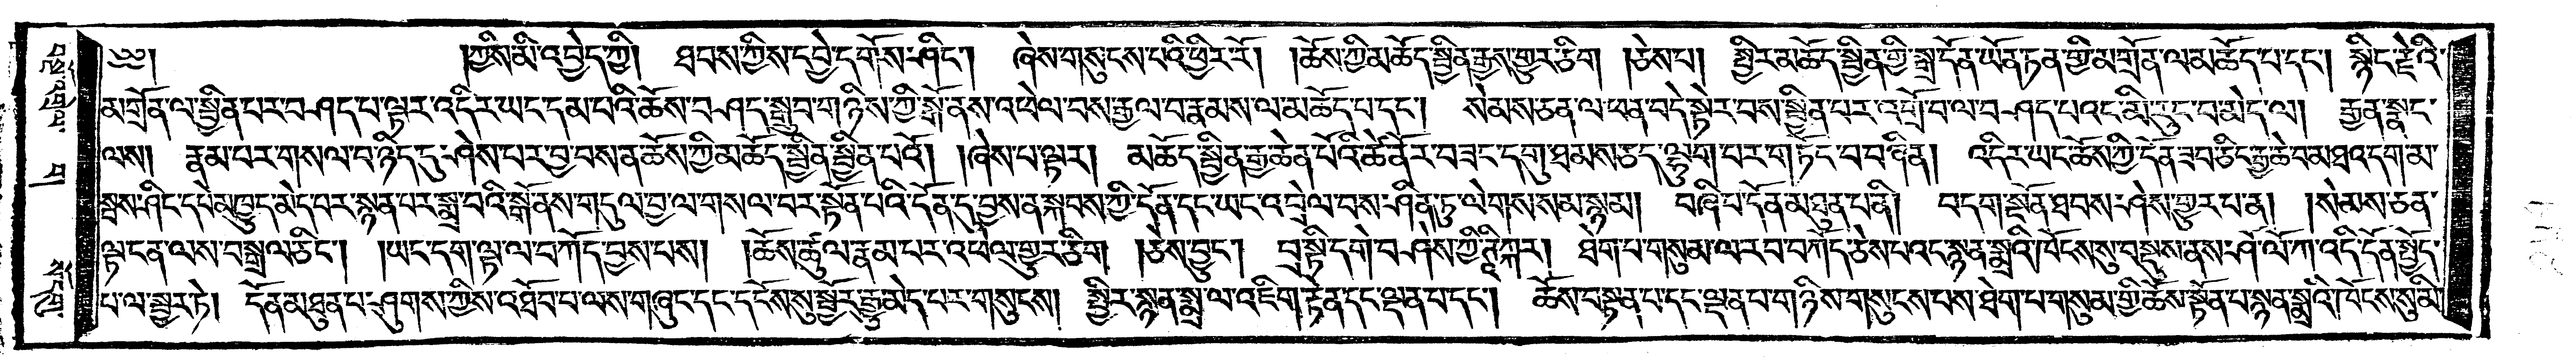༄༅། །ཀྱིས་མི་འབྱེད་ཀྱི། ཐབས་ཀྱིས་དབྱེ་དགོས་ཤིང་། ཞེས་གསུངས་པའི་ཕྱིར་རོ། །ཆོས་ཀྱི་མཆོད་སྦྱིན་རྒྱས་གྱུར་ཅིག །ཅེས་པ། སྤྱིར་མཆོད་སྦྱིན་གྱི་སྒྲ་དོན་ཡོན་ཏན་གྱི་མགྲོན་ལ་མཆོད་པ་དང་། སྙིང་རྗེའི་
མགྲོན་ལ་སྦྱིན་པར་བཤད་པ་ལྟར་འདིར་ཡང་དམ་པའི་ཆོས་བཤད་སྒྲུབ་གཉིས་ཀྱི་སྒོ་ནས་འཕེལ་བས་རྒྱལ་བ་རྣམས་ལ་མཆོད་པ་དང་། སེམས་ཅན་ལ་ཕན་བདེ་སྟེར་བས་སྦྱིན་པར་འགྲོ་བ་ལ་བཤད་པའང་མི་རུང་བ་མེད་ལ། རྒྱན་སྣང་
ལས། རྣམ་པར་གསལ་བ་ཉིད་དུ་ཤེས་པར་བྱ་བས་ན་ཆོས་ཀྱི་མཆོད་སྦྱིན་སྦྱིན་པའོ། །ཞེས་པ་ལྟར། མཆོད་སྦྱིན་རྒྱ་ཆེན་པོའི་ཚེ་ནོར་བཟང་དགུ་ཐམས་ཅད་ལྟུག་པར་གཏོང་པ་བཞིན། འདིར་ཡང་ཆོས་ཀྱི་དོན་ཟབ་ཅིང་རྒྱ་ཆེ་བ་མཐའ་དག་མ་
སྦས་ཤིང་དཔེ་མཁྱུད་མེད་པར་སྙན་པར་སྨྲ་བའི་སྒོ་ནས་གདུལ་བྱ་ལ་གསལ་བར་སྟོན་པའི་དོན་དུ་བྱས་ན་སྐབས་ཀྱི་དོན་དང་ཡང་འབྲེལ་བས་ཤིན་ཏུ་ལེགས་སམ་སྙམ། བཞི་པ་དོན་མཐུན་པ་ནི། བདག་སྔོན་ཐབས་ཤེས་གྱུར་པ་ན། །སེམས་ཅན་
ལྟང་ན་ལས་བསྒྲལ་ཅིང་། །ཡང་དག་ལྟ་ལ་བཀོད་བྱས་པས། །ཆོས་ཚུལ་རྣམ་པར་འཕེལ་གྱུར་ཅིག །ཅེས་བྱུང་། བྲ་སྟི་དགེ་བཤེས་ཀྱི་ཊཱིཀྐར། ཐེག་པ་གསུམ་ལ་རབ་བཀོད་ཅེས་པའང་སྙན་སྨྲའི་ཁོངས་སུ་བསྡུས་ནས་ཤོ་ལོ་ཀ་འདི་དོན་སྤྱོད་
པ་ལ་སྦྱར་ཏེ། དོན་མཐུན་པ་ཤུགས་ཀྱིས་འཐོབ་བ་ལས་གཞུང་དང་དངོས་སུ་སྦྱོར་རྒྱུ་མེད་པར་གསུངས། སྤྱིར་སྙན་སྨྲ་ལ་འཇིག་རྟེན་དང་ལྡན་པ་དང་། ཆོས་བསྟན་པ་དང་ལྡན་པ་གཉིས་གསུངས་པས་ཐེག་པ་གསུམ་གྱི་ཆོས་སྟོན་པ་སྙན་སྨྲའི་ཁོངས་སུ་མི་